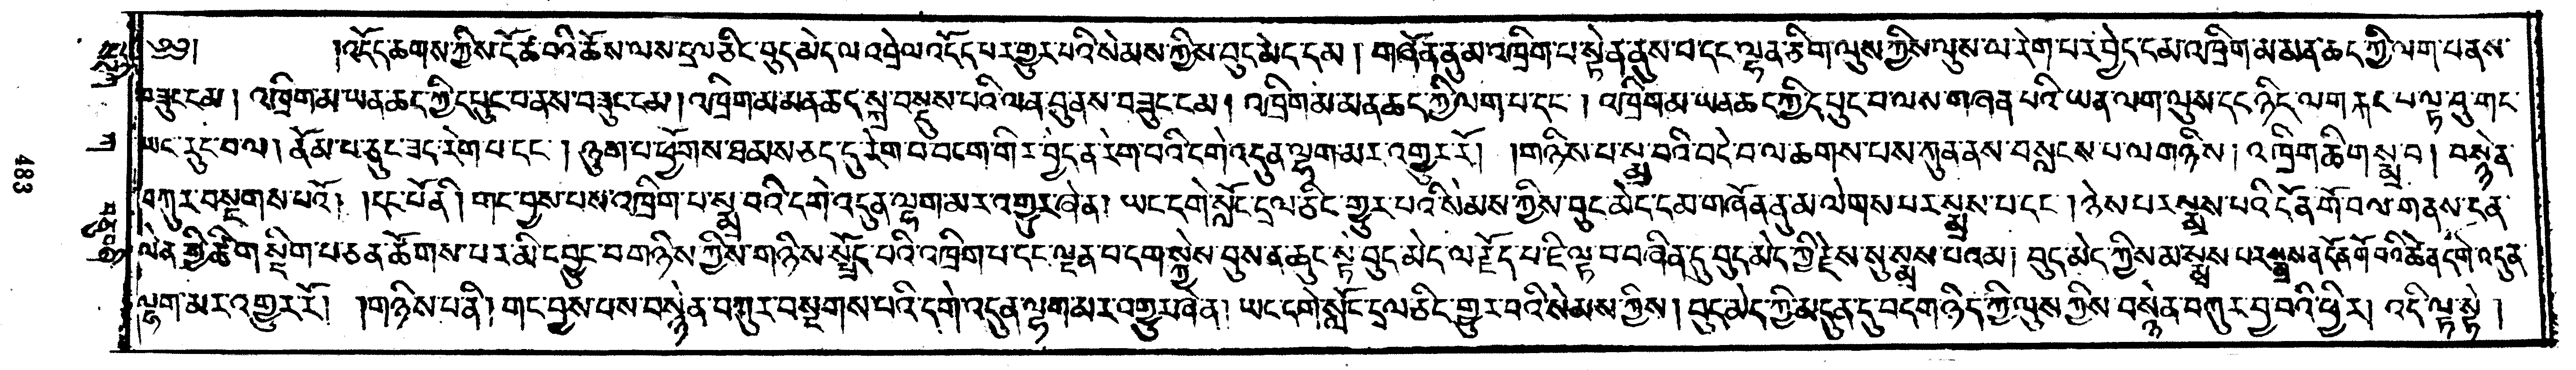༄༅། །འདོད་ཆགས་ཀྱིས་ངོ་ཚ་བའི་ཆོས་ལས་དྲལ་ཅིང་བུད་མེད་ལ་འབྲེལ་འདོད་པར་གྱུར་བའི་སེམས་ཀྱིས་བུད་མེད་དམ། གཞོན་ནུ་མ་འཁྲིག་པ་སྟེན་ནུས་པ་དང་ལྷན་ཅིག་ལུས་ཀྱིས་ལུས་ལ་རེག་པར་བྱེད་ངམ་འཁྲིག་མ་མན་ཆད་ཀྱི་ལག་པ་ནས་
བཟུང་ངམ། འཁྲིག་མ་ཡན་ཆད་ཀྱི་དཔུང་བ་ནས་བཟུང་ངམ། འཁྲིག་མ་མན་ཆད་སྐྲ་བསྡུས་པའི་ལན་བུ་ནས་བཟུང་ངམ། འཁྲིག་མ་མན་ཆད་ཀྱི་ལག་པ་དང་། འཁྲིག་མ་ཡན་ཆད་ཀྱི་དཔུང་བ་ལས་གཞན་པའི་ཡན་ལག་ལུས་དང་ཉིད་ལག་རྐང་བ་ལྟ་བུ་གང་
ཡང་རུང་བ་ལ། ནོམ་པ་ཅུང་ཟད་རེག་པ་དང་། ཉུག་པ་ཕྱོགས་ཐམས་ཅད་དུ་རེག་བ་བདག་གིར་བྱེད་ན་རེག་པའི་དགེ་འདུན་ལྷག་མར་འགྱུར་རོ། །གཉིས་པ་སྨྲ་བའི་བདེ་བ་ལ་ཆགས་པས་ཀུན་ནས་བསླངས་པ་ལ་གཉིས། འཁྲིག་ཆིག་སྨྲ་བ། བསྙེན་
བཀུར་བསྔགས་པའོ། །དང་པོ་ནི། གང་བྱས་པས་འཁྲིག་པ་སྨྲ་བའི་དགེ་འདུན་ལྷག་མར་འགྱུར་ཞེ་ན། ཡང་དགེ་སློང་དྲལ་ཅིང་གྱུར་བའི་སེམས་ཀྱིས་བུང་མེད་དམ་གཞོན་ནུ་མ་ལེགས་པར་སྨྲས་པ་དང་།ཉེས་པར་སྨྲས་པའི་དོན་གོ་བ་ལ་གནས་ངན་
ལེན་གྱི་ཚིག་སྡིག་པ་ཅན་ཚོགས་པར་མི་དབྱུང་བ་གཉིས་ཀྱིས་གཉིས་སྤྲོད་པའི་འཁྲིག་པ་དང་ལྡན་བ་དག་སྐྱེས་བུས་ན་ཆུང་སྟེ་བུད་མེད་ལ་རྗོད་པ་ཇི་ལྟ་བ་བཞིན་དུ་བུད་མེད་ཀྱི་རྗེས་སུ་སྨྲས་པའམ། བུད་མེད་ཀྱིས་མ་སྨྲས་པར་སྨྲས་ན་དོན་གོ་བའི་ཚེན་དགེ་འདུན་
ལྷག་མར་འགྱུར་རོ། །གཉིས་པ་ནི། གང་བྱས་པས་བསྙེན་བཀུར་བསྔགས་པའི་དགེ་འདུན་ལྷག་མར་འགྱུར་ཞེ་ན། ཡང་དགེ་སློང་དྲལ་ཅིང་གྱུར་བའི་སེམས་ཀྱིས་།བུད་མེད་ཀྱི་མདུན་དུ་བདག་ཉིད་ཀྱི་ལུས་ཀྱིས་བསྙེན་བཀུར་བྱ་བའི་ཕྱིར། འདི་ལྟ་སྟེ།